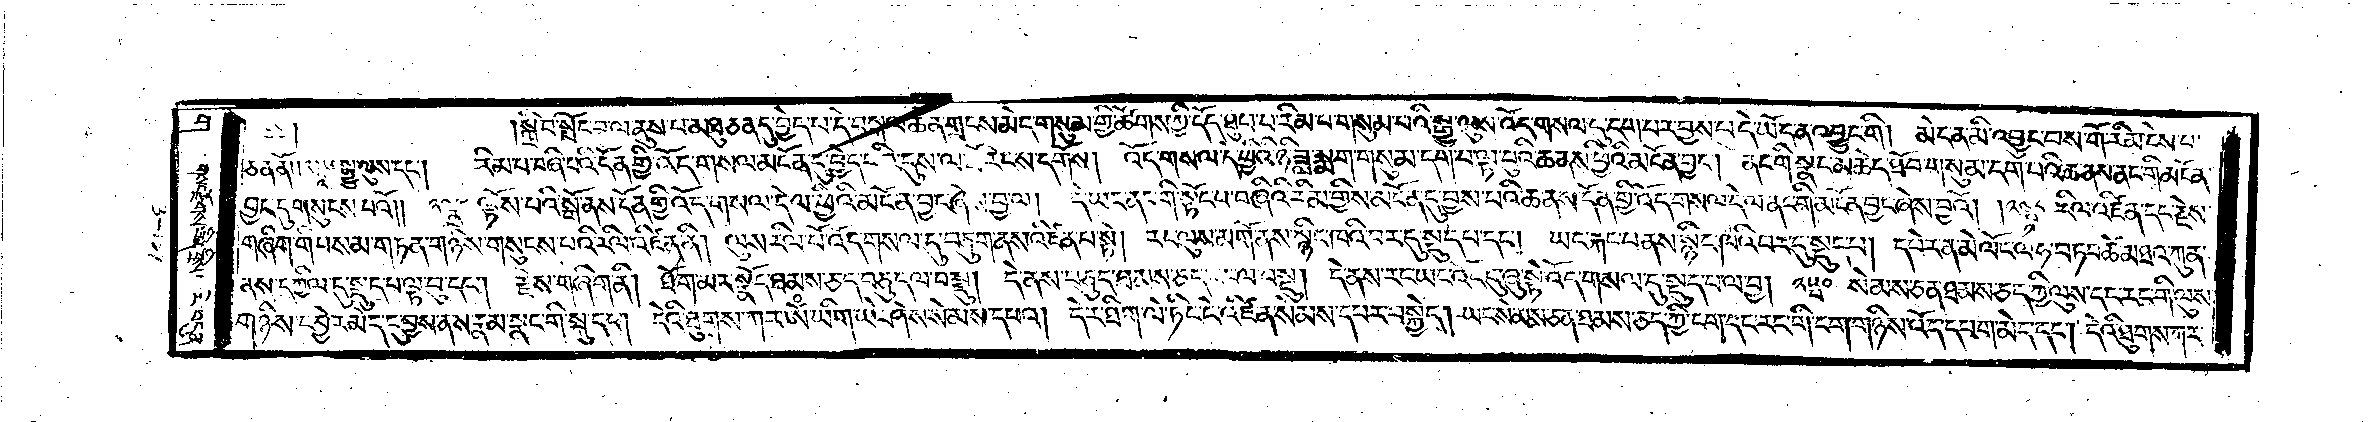༄༅། །སྒྲིབ་སྤོང་བ་ལ་ནུས་པ་མཐུན་ཅན་དུ་བྱེད་པ་དེ་བསྐལ་ཆེན་གྲངས་མེད་གསུམ་གྱི་ཚོགས་ཀྱི་དོད་ཐུབ་པ་རིམ་པ་གསུམ་པའི་སྒྱུ་ལུས་འོད་གསལ་དུ་ངག་བར་བྱས་པ་དེ་ཡོད་ན་འབྱུང་གི། མེད་ན་མི་འབྱུང་བས་གོ་རིམ་ངེས་པ་
ཅན་ནོ། །སྒྱུ་ལུས་དང་། རིམ་པ་བཞི་པའི་དོན་གྱི་འོད་གསལ་མངོན་དུ་བྱེད་པའི་དུས་ལ་ཐོ་རེངས་དགོས། འོད་གསལ་དེ་ཕྱིའི་ཉི་ཟླ་སྨག་གསུམ་དག་པ་ལྟ་བུའི་ཆ་ནས་ཕྱིའི་མངོན་བྱང་ནང་གི་སྣང་མཆེད་ཐོབ་གསུམ་དག་པའི་ཆ་ནས་ནང་གི་མངོན་
བྱང་དུ་གསུངས་པའོ།། ༢༡༧ན་ལྟོས་པའི་སྒོ་ནས་དོན་གྱི་འོད་གསལ་དེ་ལ་ཕྱིའི་མངོན་བྱང་ཞེས་བྱ་ལ། དེ་ཡང་ནང་གི་སྟོང་པ་བཞིའི་རིམ་གྱིས་མངོན་དུ་བྱས་པའི་ཆ་ན་དོན་གྱི་འོད་གསལ་དེ་ལ་ནང་གི་མངོན་བྱང་ཞེས་བྱའོ། །༢༤༨བ༡་རིལ་འཛིན་དང་རྗེས་
གཞིག་གི་པས་བསམ་གཏན་གཉིས་གསུངས་པའི་རིལ་འཛིན་ནི། ལུས་རིལ་པོ་འོད་གསལ་དུ་བཅུ་བས་འཛིན་པ་སྟེ། རང་ལུས་མགོ་ནས་སྙིང་ཁའི་བར་དུ་སྡུད་པ་དང་། ཡང་རྐང་པ་ན་སྙིང་ཁའི་བར་དུ་སྡུད་པ། དཔེར་ན་མེ་ལོང་ལ་ཧ་བཏབ་ཚེ་མཐའ་ཀུན་
ནས་དཀྱིལ་དུ་སྡུད་པ་ལྟ་བུ་དང་། རྗེས་གཞིག་ནི། ཐོག་མར་སྣོད་ཐམས་ཅད་བཅུད་ལ་བསྡུ། དེ་ནས་བཅུད་ཐམས་ཅད་རང་ལ་བསྡུ། དེ་ནས་རང་ཡང་འོད་དུ་ཞུ་སྟེ་འདི་གསལ་དུ་སྡུད་པ་ལ་བྱ། ༢༥༠པ་སེམས་ཅན་ཐམས་ཅད་ཀི་ལུས་དང་རང་གི་ལུས་
གཉིས་དབྱེར་མེད་དུ་བྱས་ནས་རྣམ་སྣང་གི་སྐུ་དང་། དེའི་ཐུགས་ཀར་ཨོཾ་ཡིག་ཡེ་ཤེས་སེམས་དཔའ། དེར་ཐིག་ལེ་ཏིང་ངེ་འཛིན་སེམས་དཔར་བསྐྱེད། ཡང་སེམས་ཅན་ཐམས་ཅད་ཀྱི་ངག་དང་རང་གི་ངག་གཉིས་འོད་དཔག་མེད་དང་། དེའི་ཐུགས་གར་